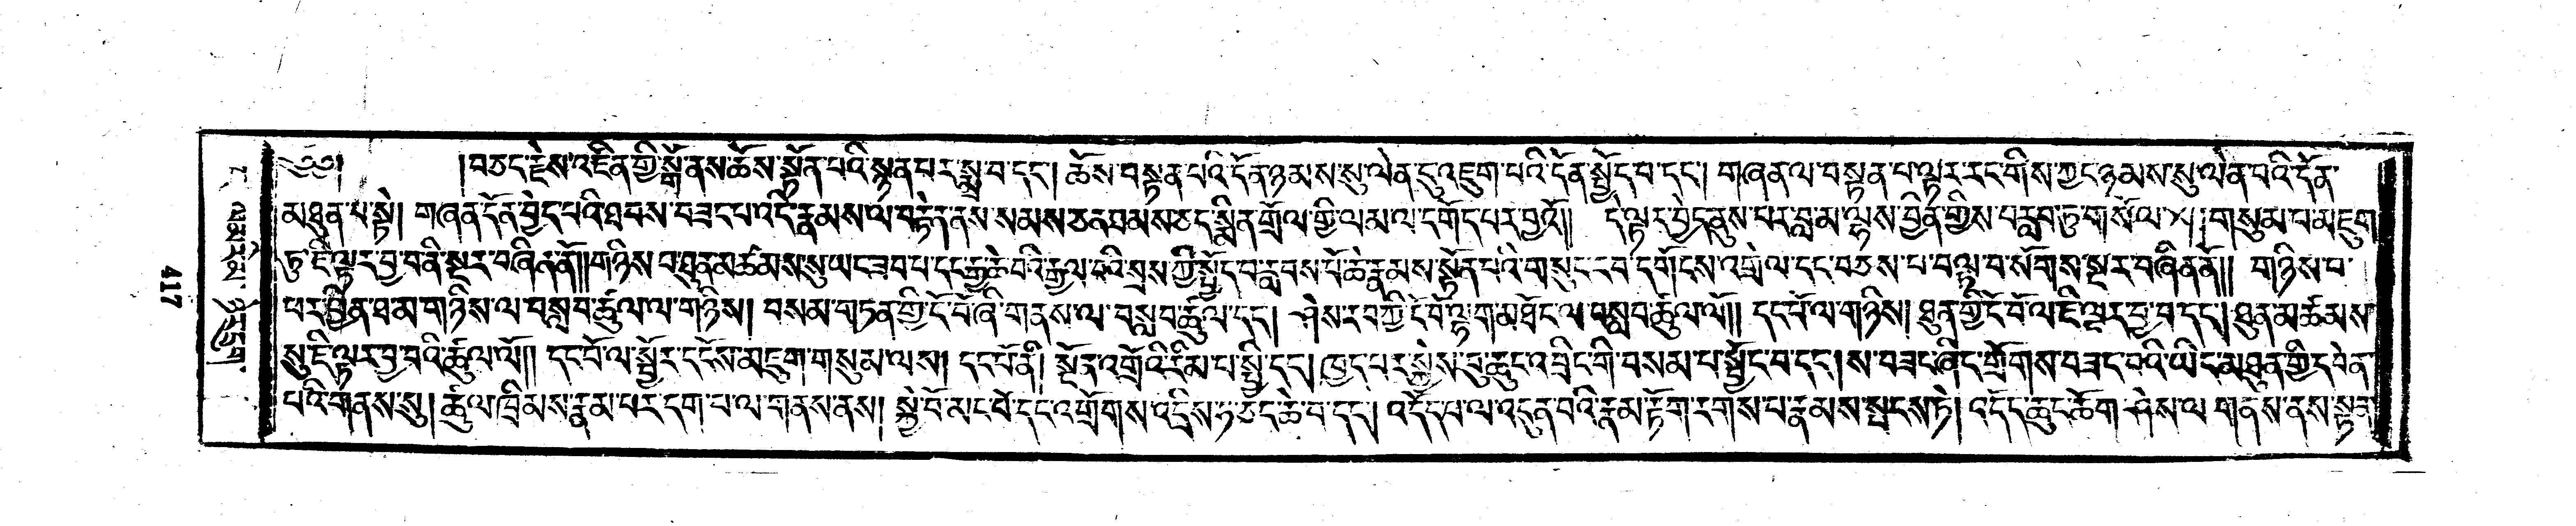༄༅། །བཅད་རྗེས་འཛིན་གྱི་སྒོ་ནས་ཆོས་སྟོན་པའི་སྙན་པར་སྨྲ་བ་དང་། ཆོས་བསྟན་པའི་དོན་ཉམས་སུ་ལེན་དུ་འཇུག་པའི་དོན་སྤྱོད་པ་དང་། གཞན་ལ་བསྟན་པ་ལྟར་རང་གིས་ཀྱང་ཉམས་སུ་ལེན་པའི་དོན་
མཐུན་པ་སྟེ། གཞན་དོན་བྱེད་པའི་ཐབས་བཟང་བ་འདི་རྣམས་ལ་བརྟེན་ནས་སེམས་ཅན་ཐམས་ཅད་སྨིན་གྲོལ་གྱི་ལམ་ལ་དགོད་པར་བྱའོ།། དེ་ལྟར་བྱེད་ནུས་པར་བླ་མ་ལྷས་བྱིན་གྱིས་བརླབ་ཏུ་གསོལ་྾། །གསུམ་པ་མཇུག་
ཏུ་ཇི་ལྟར་བྱ་བ་ནི་སྔར་བཞིན་ནོ། །གཉིས་པ་ཐུན་མཚམས་སུ་ཡང་ཟབ་པ་དང་རྒྱ་ཆེ་བའི་རྒྱལ་བའི་སྲས་ཀྱི་སྤྱོད་པ་རླབས་པོ་ཆེ་རྣམས་སྟོན་པའི་གསུང་རབ་དགོངས་འགྲེལ་དང་བཅས་པ་བལྟ་བ་སོགས་སྔར་བཞིན་ནོ།། གཉིས་པ་
ཕར་ཕྱིན་ཐ་མ་གཉིས་ལ་བསླབ་ཚུལ་ལ་གཉིས། བསམ་གཏན་གྱི་ངོ་བོ་ཞི་གནས་ལ་བསླབ་ཚུལ་དང་། ཤེས་རབ་ཀྱི་ངོ་བོ་ལྷག་མཐོང་ལ་བསླབ་ཚུལ་ལོ།། དང་པོ་ལ་གཉིས། ཐུན་གྱི་ངོ་བོ་ལ་ཇི་ལྟར་བྱ་བ་དང་། ཐུན་མཚམས་
སུ་ཇི་ལྟར་བྱ་བའི་ཚུལ་ལོ།། དང་པོ་ལ་སྦྱོར་དངོས་མཇུག་གསུམ་ལས། དང་པོ་ནི། སྔོན་འགྲོའི་རིམ་པ་སྤྱི་དང་། ཁྱད་པར་སྐྱེས་བུ་ཆུང་འབྲིང་གི་བསམ་པ་སྦྱོང་བ་དང་། ས་བཟང་ཞིང་གྲོགས་བཟང་བའི་ཡིད་མཐུན་གྱི་དབེན་
པའི་གནས་སུ། ཚུལ་ཁྲིམས་རྣམ་པར་དག་པ་ལ་གནས་ནས། སྐྱེ་བོ་མང་པོ་དང་འགྲོགས་འདྲིས་ཧ་ཅང་ཆེ་བ་དང་། འདོད་པ་ལ་འདུན་པའི་རྣམ་རྟོག་རགས་པ་རྣམས་སྤངས་ཏེ། འདོད་ཆུང་ཆོག་ཤེས་ལ་གནས་ནས་སྟན་